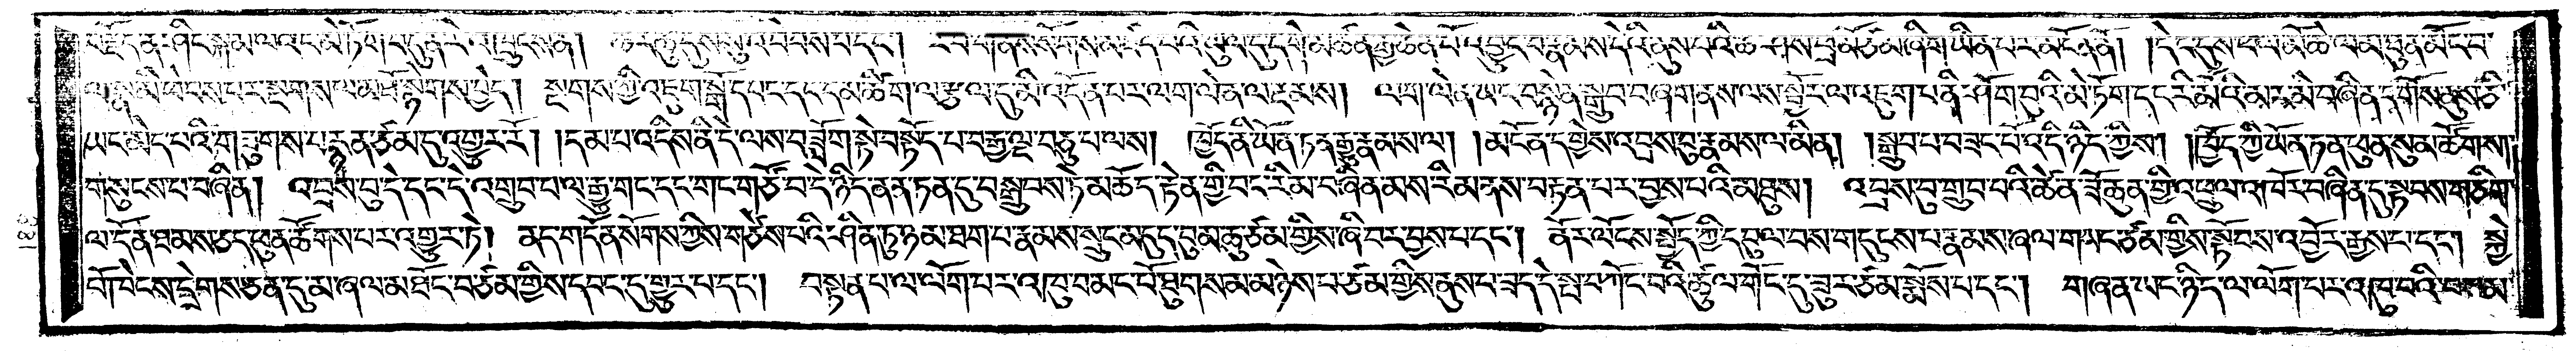བརྗོད་ན་ཤིང་སྐམ་ལའང་མེ་ཏོག་བདུན་རེ་འཁྲུངས་ན། ཆར་ཆུ་དུས་སུ་འབེབས་པ་དང་། རབ་གནས་སོགས་མཛད་པའི་ཡུལ་དུ་དགེ་མཚན་རྒྱ་ཆེན་པོ་འབྱུང་བ་རྣམས་དེའི་ནུས་པའི་ཆ་ཤས་ཕྲ་མོ་ཙམ་ཞིག་ཡིན་པར་མངོན་ནོ། །དེང་དུས་ཕལ་མོ་ཆེ་ལམ་ཐུན་མོང་བ་
ལ་སྣ་མི་ཕེབས་པར་སྔགས་ལ་མཐོ་སྙེགས་བྱེད། སྔགས་ཀྱི་འཇུག་སྒོ་དབང་དང་དམ་ཚིག་ལ་རྩལ་དུ་མི་འདོན་པར་ལག་ལེན་ལ་རྔམས། ལག་ལེན་ཡང་བསྙེན་སྒྲུབ་བཞག་ནས་ལས་སྦྱོར་ལ་འཇུག་པ་ནི་ཤོག་བུའི་མེ་ཏོག་དང་རི་མོའི་མར་མེ་བཞིན་དགོས་ནུས་ཅི་
ཡང་མེད་པའི་གཟུགས་བརྙན་ཙམ་དུ་འགྱུར་རོ། །དམ་པ་འདིས་ནི་དེ་ལས་བཟློག་སྟེ་བསྟོད་པ་བརྒྱ་ལྔ་བཅུ་པ་ལས། ཁྱོད་ནི་ཡོན་ཏན་རྒྱུ་རྣམས་ལ། །མངོན་དགྱེས་འབྲས་བུ་རྣམས་ལ་མིན། །སྒྲུབ་པ་བཟང་པོ་འདི་ཉིད་ཀྱིས། །ཁྱོད་ཀྱི་ཡོན་ཏན་ཕུན་སུམ་ཚོགས།
གསུངས་པ་བཞིན། འབྲས་བུ་དེ་དང་དེ་འགྲུབ་བ་ལ་རྒྱུ་གང་དང་གང་གཙོ་བ་དེ་ཉིད་ནན་ཏན་དུ་བསྒྲུབས་ཏེ་མཆོད་རྟེན་གྱི་བང་རིམ་བཞིན་མས་རིམ་ནས་བརྟན་པར་བྱས་པའི་མཐུས། འབྲས་བུ་གྲུབ་པའི་ཚེ་ན་ཟོ་ཆུན་གྱི་འཕྲུལ་འཁོར་བཞིན་དུ་སྟབས་གཅིག་
ལ་དོན་ཐམས་ཅད་ཕུན་ཚོགས་པར་འགྱུར་ཏེ། ནད་གདོན་སོགས་ཀྱིས་གཙེས་པའི་ཤིན་ཏུ་ཉམ་ཐག་པ་རྣམས་སྲུང་མདུད་བུམ་ཆུ་ཙམ་གྱིས་ཞི་བར་བྱས་པ་དང་། ནོར་ལོངས་སྤྱོད་ཀྱི་དབུལ་བས་གདུངས་པ་རྣམས་ཞལ་གཡང་ཙམ་གྱིས་སྟོབས་འབྱོར་རྒྱས་པ་དང་། སྐྱེ་
བོ་ཁེངས་དྲེགས་ཅན་དུ་མ་ཞལ་མཐོང་བ་ཙམ་གྱིས་དབང་དུ་གྱུར་པ་དང་། བསྟན་པ་ལ་ལོག་པར་འཁུ་བ་མང་པོ་ཐུགས་མ་མཉེས་པ་ཙམ་གྱིས་ནུས་པ་ཟད་དེ་སྤ་བཀོང་བའི་ཚུལ་གོང་དུ་ཟུར་ཙམ་སྨོས་པ་དང་། གཞན་ཡང་ཉིད་ལ་ལོག་པར་འཁུ་བའི་བསམ་